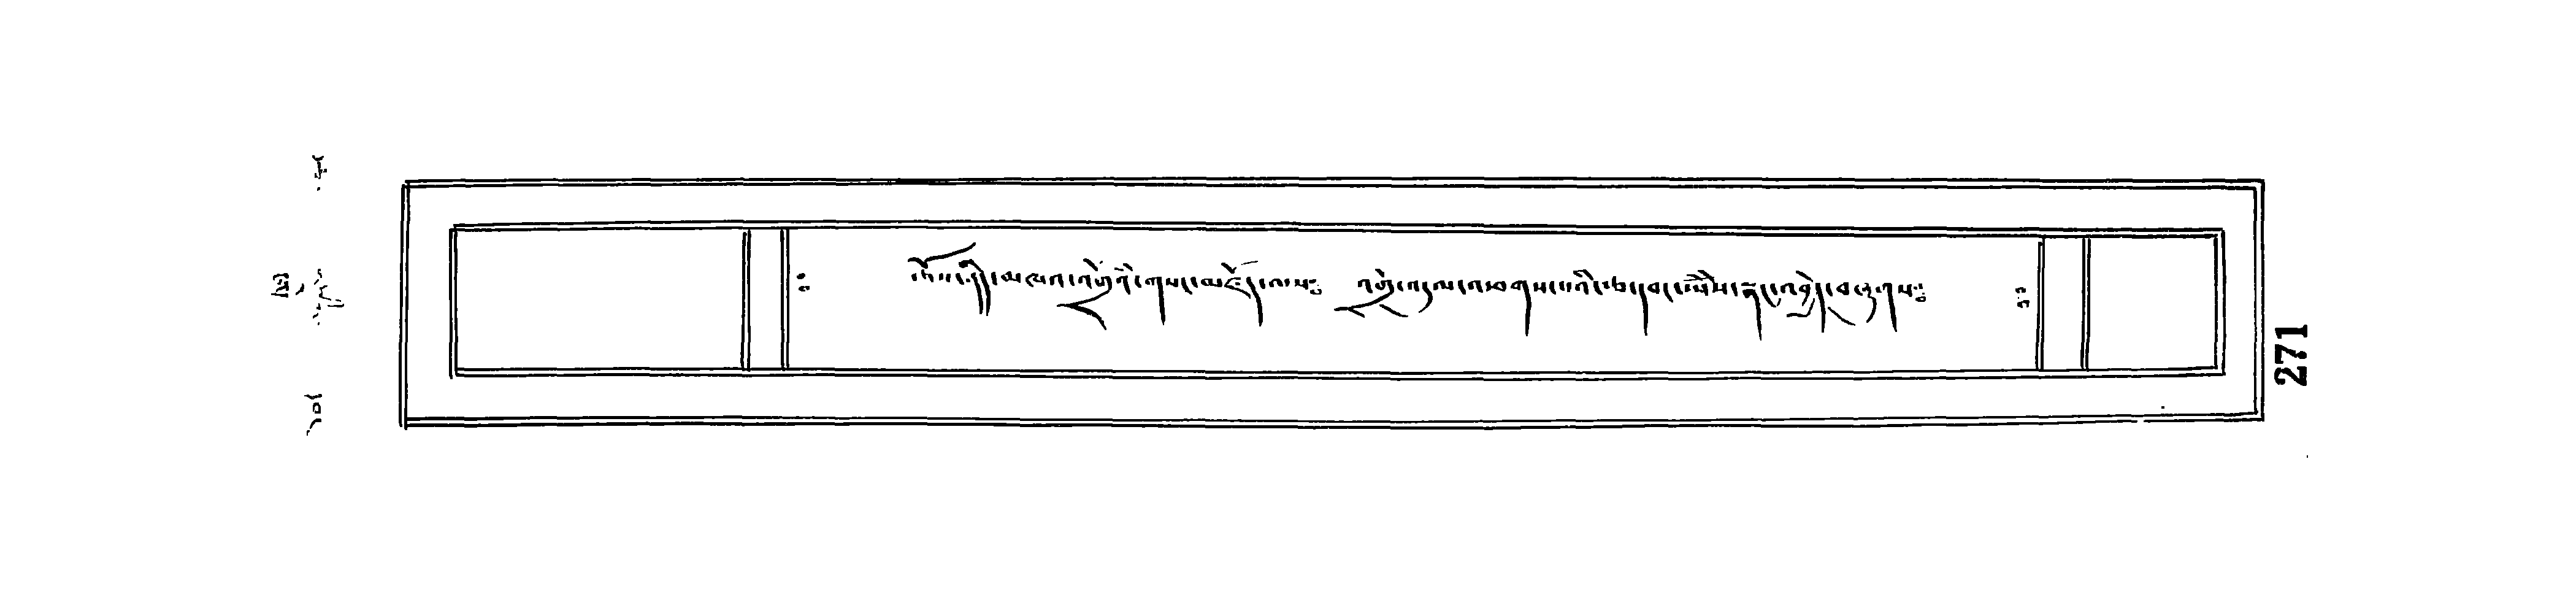ཆོས་ཉིད་མཁའ་འགྲོའི་གསང་མཛོད་ལས༔ འགྲོ་འདུལ་འཕགས་པའི་རྩ་དབང་ཡེ་ཤེས་སྣང་འབྱེད་བཞུགས༔